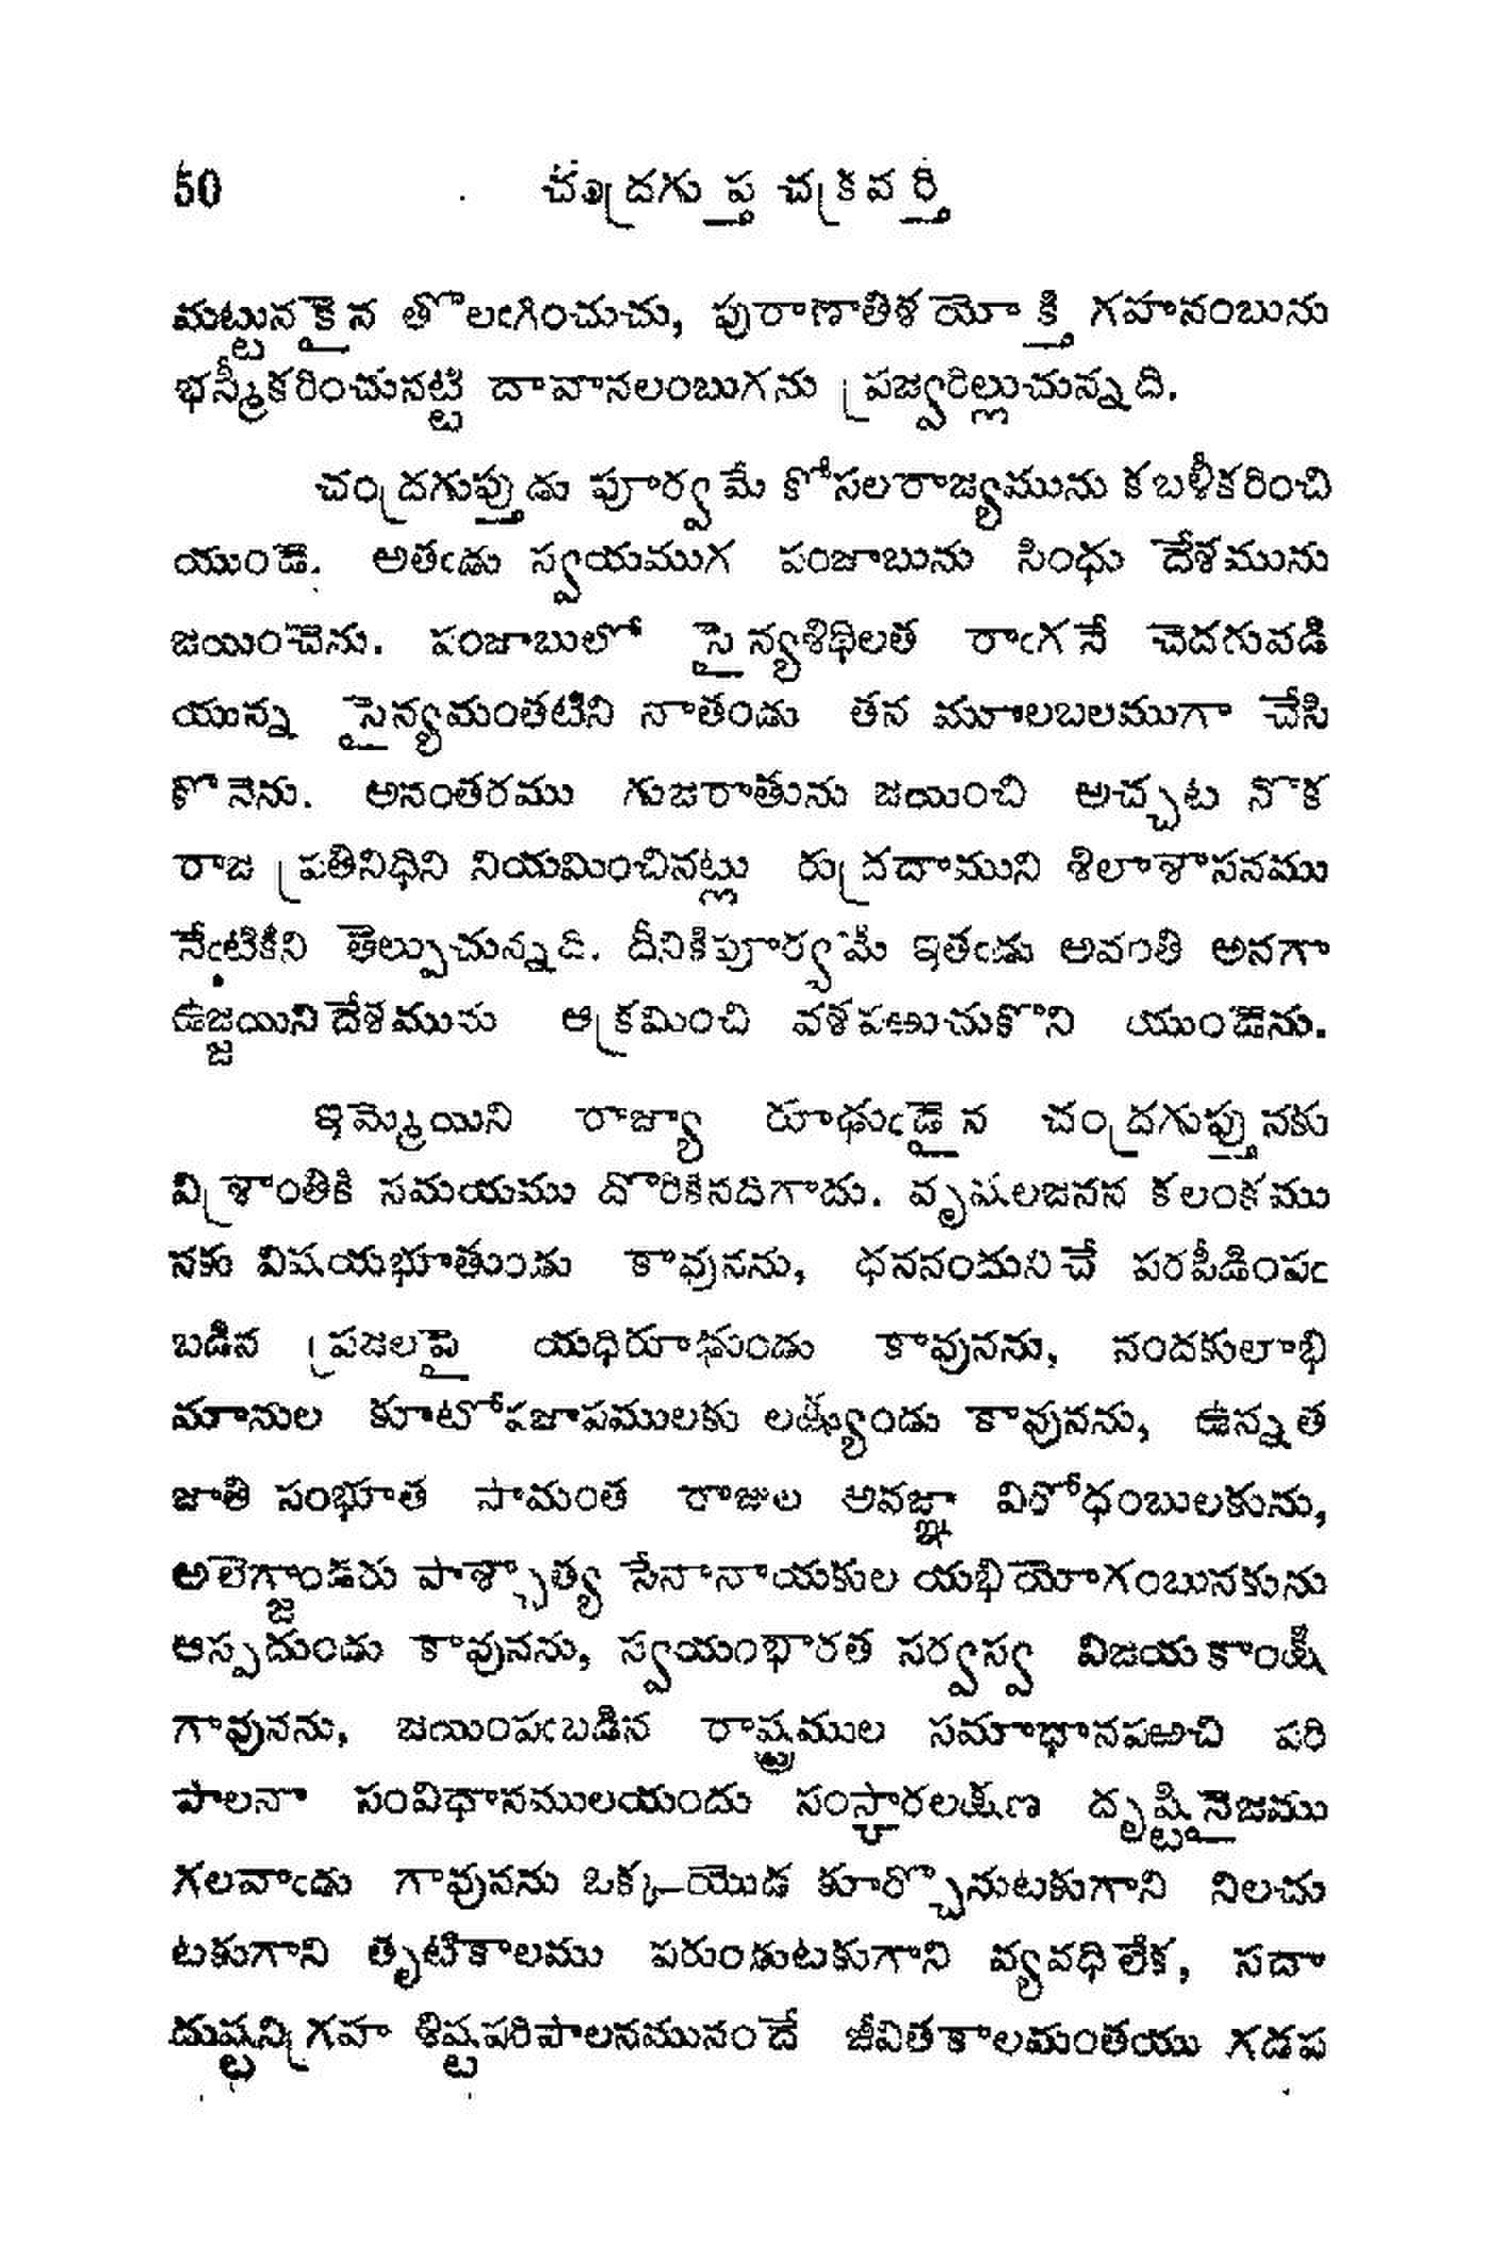మట్టునకైన తొలఁగించుచు, పురాణాతిశయోక్తి గహనంబును భస్మీకరించునట్టి దావానలంబుగను ప్రజ్వరిల్లుచున్నది.

చంద్రగుప్తుడు పూర్వమే కోసలరాజ్యమును కబళీకరించి యుండె. అతఁడు స్వయముగ పంజాబును సింధు దేశమును జయించెను. పంజాబులో సైన్యశిథిలత రాఁగనే చెదరువడియున్న సైన్యమంతటిని నాతండు తన మూలబలముగా చేసికొనెను. అనంతరము గుజరాతును జయించి అచ్చట నొక రాజ ప్రతినిధిని నియమించినట్లు రుద్రదాముని శిలాశాసనము నేఁటికిని తెల్పుచున్నది. దీనికి పూర్వమే ఇతఁడు అవంతి అనగా ఉజ్జయినిదేశమును ఆక్రమించి వశపఱచుకొని యుండెను.

ఇమ్మెయిని రాజ్యా రూడుఁడై న చంద్రగుప్తునకు విశ్రాంతికి సమయము దొరికినదిగాదు. వృషలజనన కలంకమునకు విషయభూతుండు. కావునను, ధననందునిచే పరపీడింపఁబడిన ప్రజలపై యధిరూఢుండు కావునను, నందకులాభిమానుల కూటోపజాపములకు లక్ష్యుండు కావునను, ఉన్నత జాతి సంభూత సామంత రాజుల అవజ్ఞా విరోధంబులకును, అలెగ్జాండరు పాశ్చాత్య సేనానాయకుల యభియోగంబునకును ఆస్పదుండు కావునను, స్వయంభారత సర్వస్వ విజయకాంక్షి గావునను, జయింపఁబడిన రాష్ట్రముల సమాధానపఱచి పరిపాలనా సంవిధానములయందు సంస్కారలక్షణ దృష్టినైజము గలవాఁడు గావునను ఒక్కయొడ కూర్చొనుటకుగాని నిలచుటకుగాని తృటికాలము పరుండుటకుగాని వ్యవధిలేక , సదా దుష్టనిగ్రహ శిష్టపరిపాలనమునందే జీవితకాలమంతయు గడప